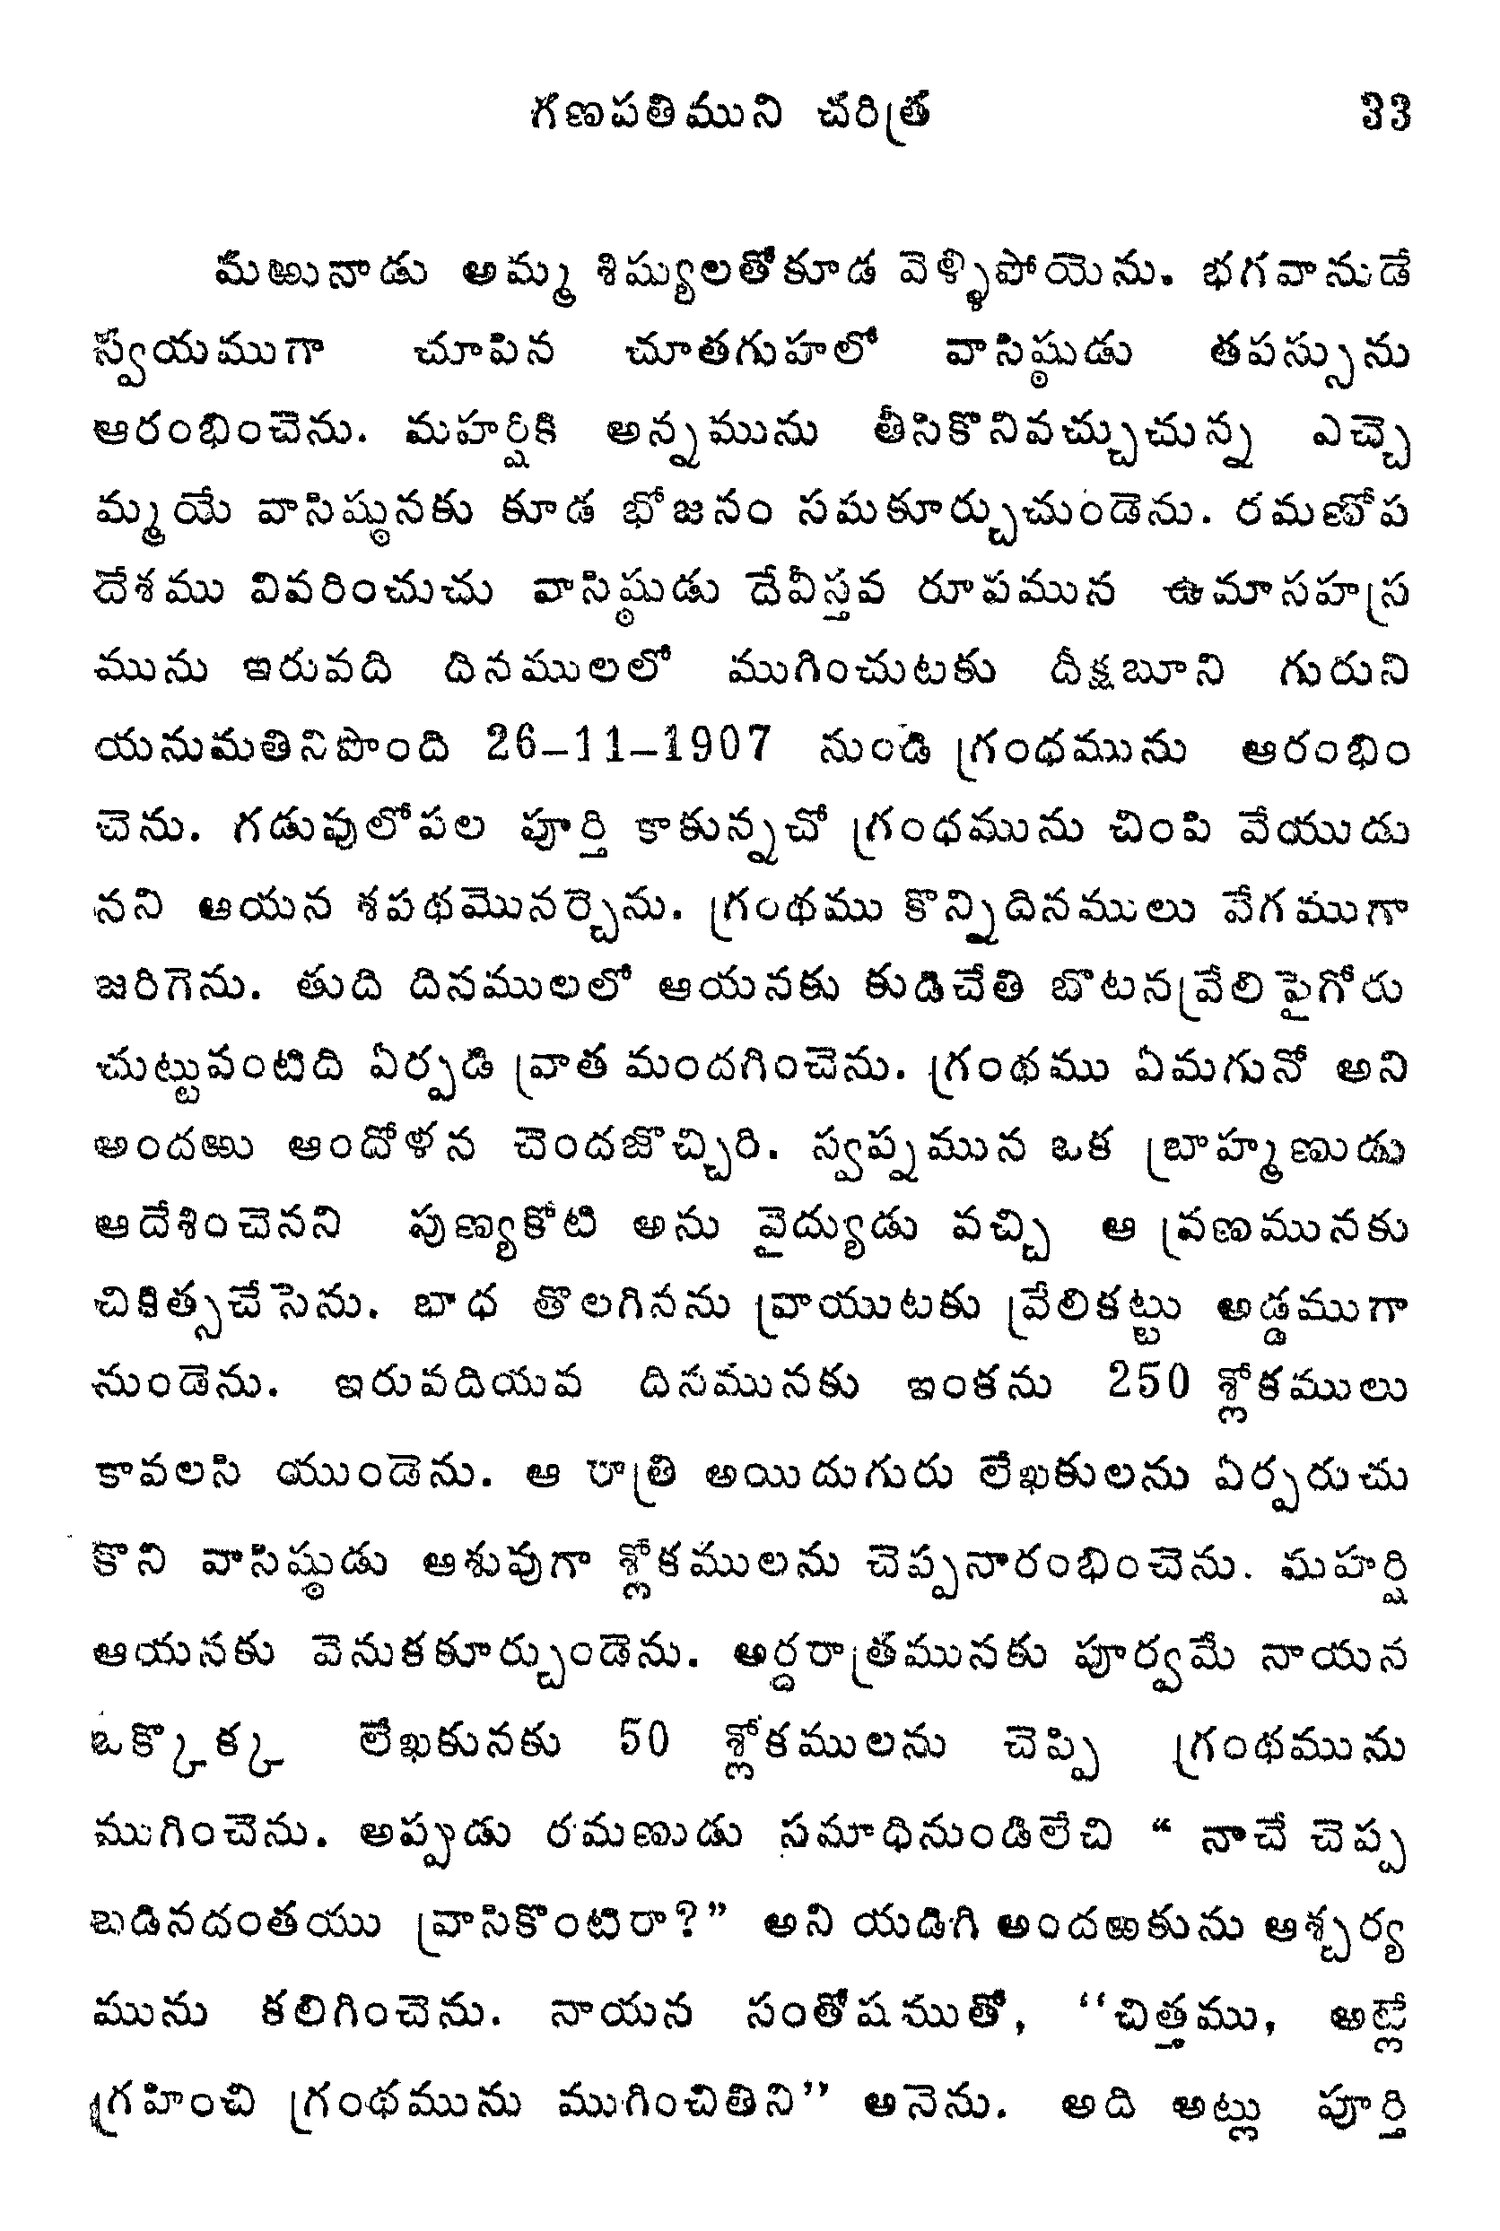మఱునాడు అమ్మ శిష్యులతోకూడ వెళ్ళిపోయెను. భగవానుడే స్వయముగా చూపిన చూతగుహలో వాసిష్ఠుడు తపస్సును ఆరంభించెను. మహర్షికి అన్నమును తీసికొనివచ్చుచున్న ఎచ్చెమ్మయే వాసిష్ఠునకు కూడ భోజనం సమకూర్చుచుండెను. రమణోపదేశము వివరించుచు వాసిష్ఠుడు దేవీస్తవ రూపమున ఉమాసహస్రమును ఇరువది దినములలో ముగించుటకు దీక్షబూని గురుని యనుమతినిపొంది 26-11-1907 నుండి గ్రంథమును ఆరంభించెను. గడువులోపల పూర్తి కాకున్నచో గ్రంథమును చింపి వేయుదునని ఆయన శపథమొనర్చెను. గ్రంథము కొన్ని దినములు వేగముగా జరిగెను. తుది దినములలో ఆయనకు కుడిచేతి బొటనవ్రేలిపై గోరుచుట్టువంటిది ఏర్పడి వ్రాత మందగించెను. గ్రంథము ఏమగునో అని అందఱు ఆందోళన చెందజొచ్చిరి. స్వప్నమున ఒక బ్రాహ్మణుడు ఆదేశించెనని పుణ్యకోటి అను వైద్యుడు వచ్చి ఆ వ్రణమునకు చికిత్సచేసెను. బాధ తొలగినను వ్రాయుటకు వ్రేలికట్టు అడ్డముగా నుండెను. ఇరువదియవ దినమునకు ఇంకను 250 శ్లోకములు కావలసి యుండెను. ఆ రాత్రి అయిదుగురు లేఖకులను ఏర్పరచుకొని వాసిష్ఠుడు ఆశువుగా శ్లోకములను చెప్పనారంభించెను. మహర్షి ఆయనకు వెనుకకూర్చుండెను. అర్థరాత్రమునకు పూర్వమే నాయన ఒక్కొక్క లేఖకునకు 50 శ్లోకములను చెప్పి గ్రంథమును ముగించెను. అప్పుడు రమణుడు సమాధినుండిలేచి "నాచే చెప్పబడినదంతయు వ్రాసికొంటిరా?" అని యడిగి అందఱకును ఆశ్చర్యమును కలిగించెను. నాయన సంతోషముతో, "చిత్తము, అట్లే గ్రహించి గ్రంథమును ముగించితిని" అనెను. అది అట్లు పూర్తి